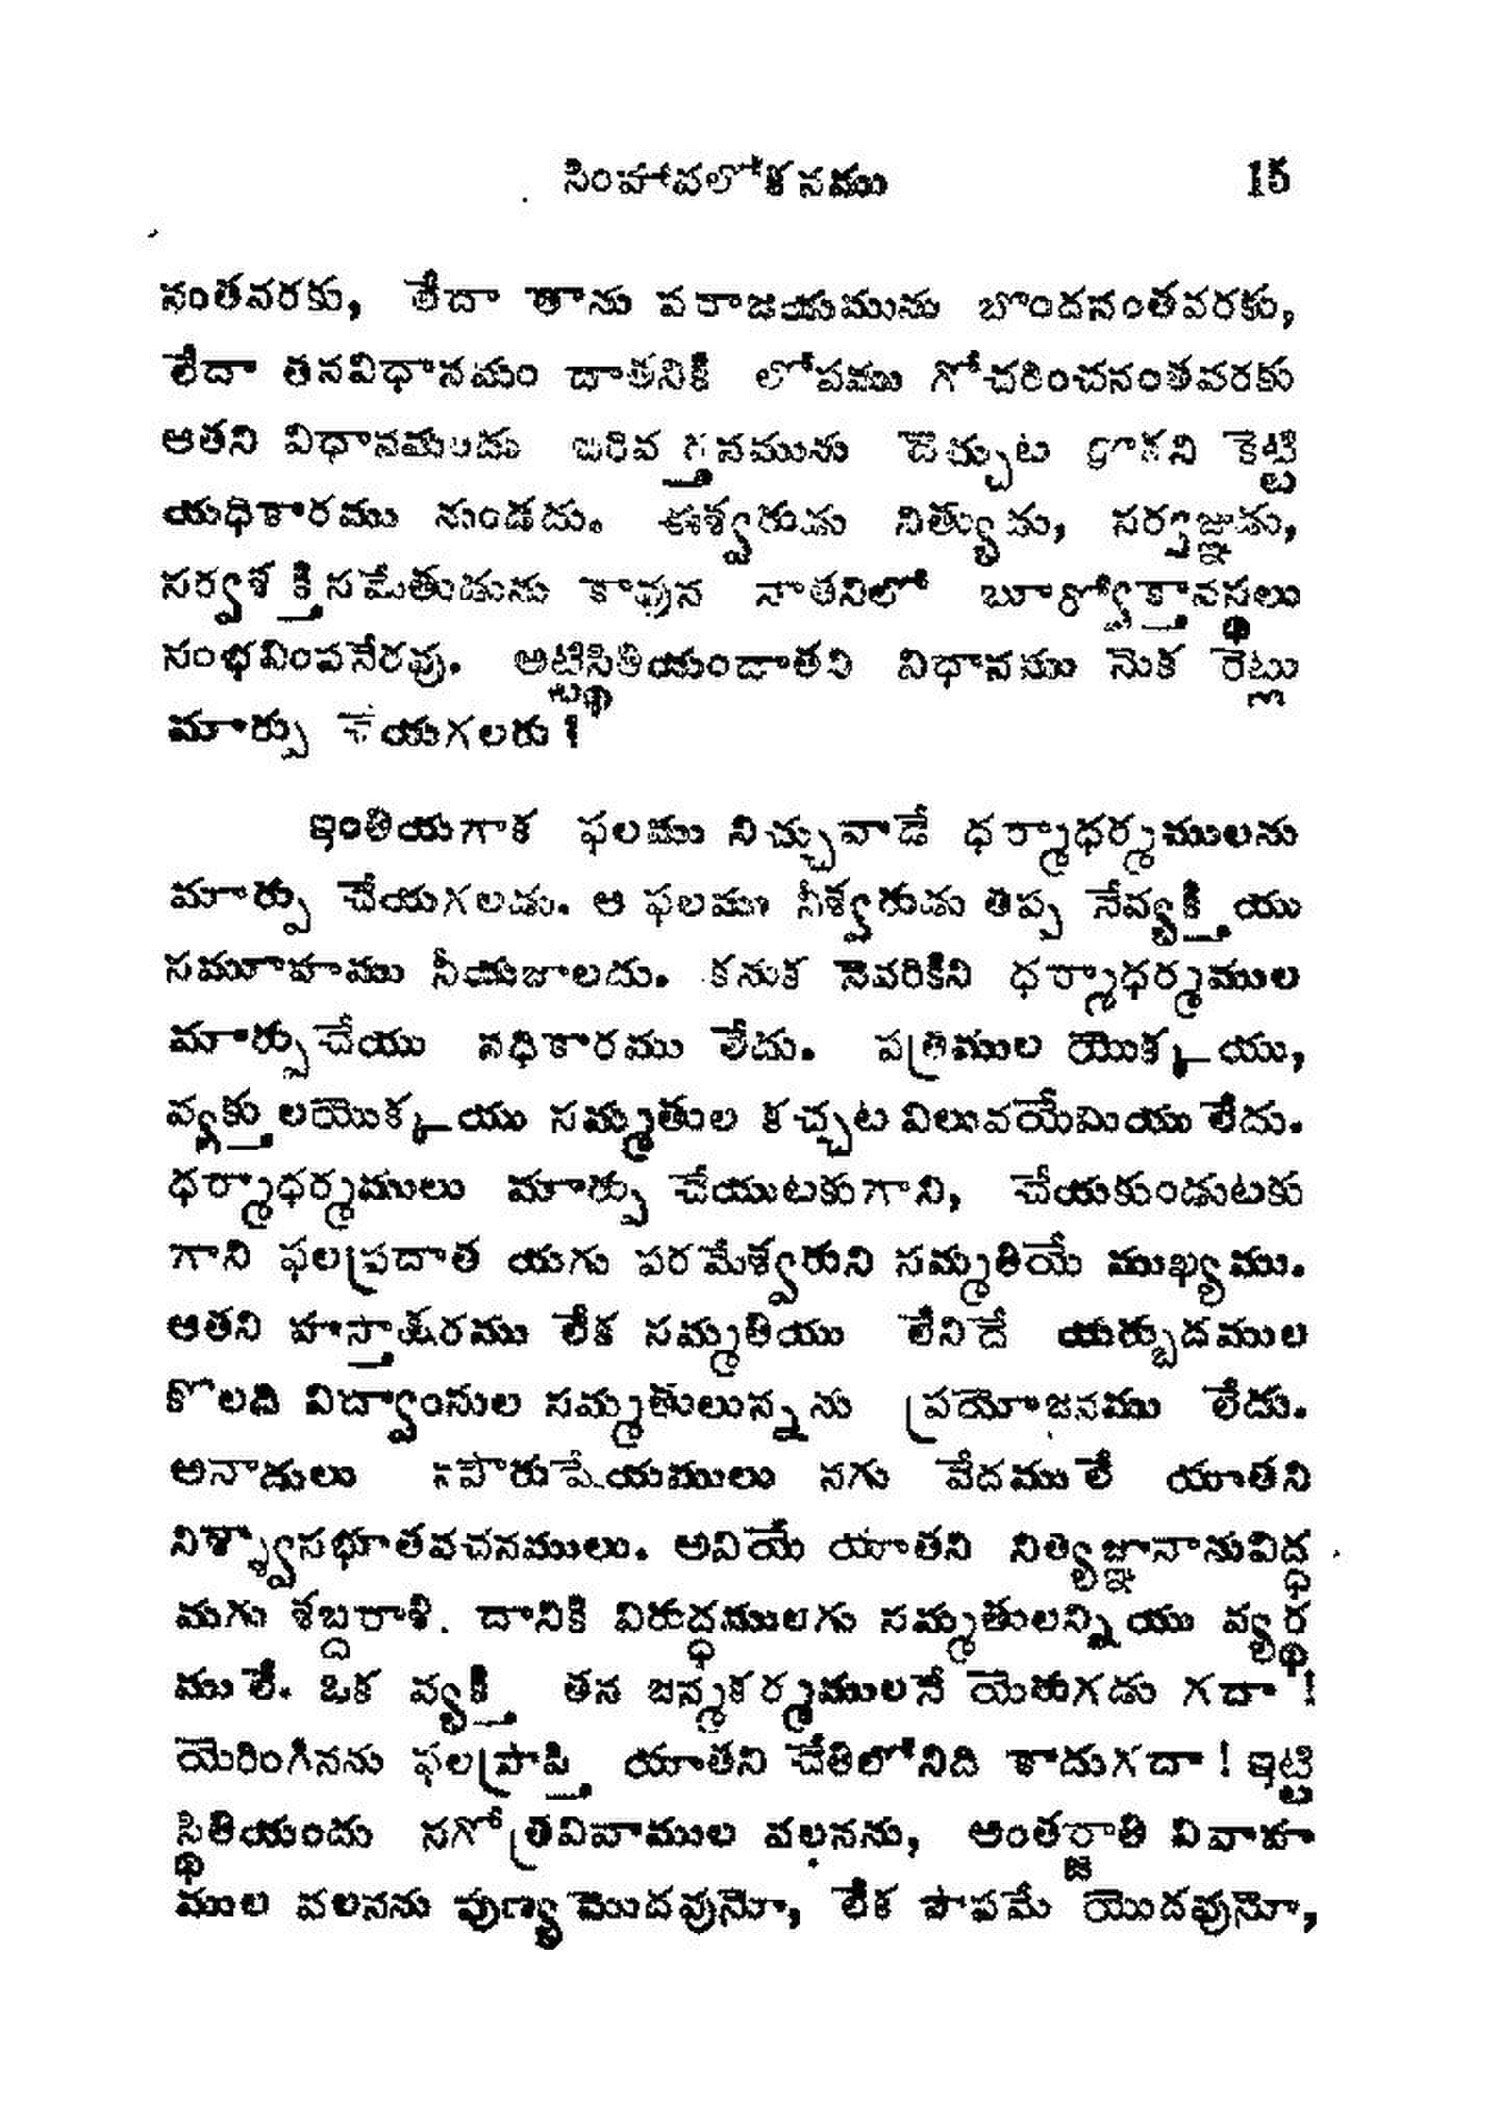నంతవరకు, లేదా తాను పరాజయమును బొందనంతవరకు,
లేదా తనవిధానమం దాతనికి లోపము గోచరించనంత వరకు
ఆతని విధానమందు పరివర్తనమును దెచ్చుట కొకని కెట్టి
యధికారము నుండదు. ఈశ్వరుడు నిత్యుడు, సర్వజ్ఞుడు,
సర్వశక్తి సమేతుడును కావున నాతనిలో బూర్వోక్తావస్థలు
సంభవింపనేరవు, అట్టిస్థితియందాతని విధానము నొక రెట్లు
మార్పు చేయగలరు?
ఇంతియగాక ఫలము నిచ్చువాడే ధర్మాధర్మములను
మార్పు చేయగలడు. ఆ ఫలము నీశ్వరుడు తప్ప నేవ్యక్తి యు
సమూహము నీయజాలదు. కనుక నెవరికిని ధర్మాధర్మముల
మార్పుచేయు నధికారము లేదు. పత్రముల యొక్కయు,
వ్యక్తులయొక్కయు సమ్మతుల కచ్చట విలువయేమియు లేదు.
ధర్మాధర్మములు మార్పు చేయుటకు గాని, చేయకుండుటకు
గాని ఫలప్రదాత యగు పరమేశ్వరుని సమ్మతియే ముఖ్యము.
అతని హస్తాక్షరము లేక సమ్మతియు లేనిదే యర్భుదముల
కొలది విద్వాంసుల సమ్మతులున్నను ప్రయోజనము లేదు.
అనాదులు నపౌరుషేయములు నగు వేదములే యాతని
నిశ్శ్వాసభూతవచనములు. అవియే యాతని నిత్యజ్ఞానానువిద్ధ.
మగు శబ్దరాశి, దానికి విరుద్ధములగు సమ్మతులన్నియు వ్యర్థ
ములే. ఒక వ్యక్తి తన జన్మకర్మములనే యెరుగడు గదా!
యెరింగినను ఫలప్రాప్తి యాతని చేతిలోనిది కాదుగదా ! ఇట్టి
స్థితియందు నగోత్ర వివాహముల వలనను, అంతర్జాతి వివాహ
ముల వలనను పుణ్యమొదవునో , లేక పాపమే యొదవునో ,